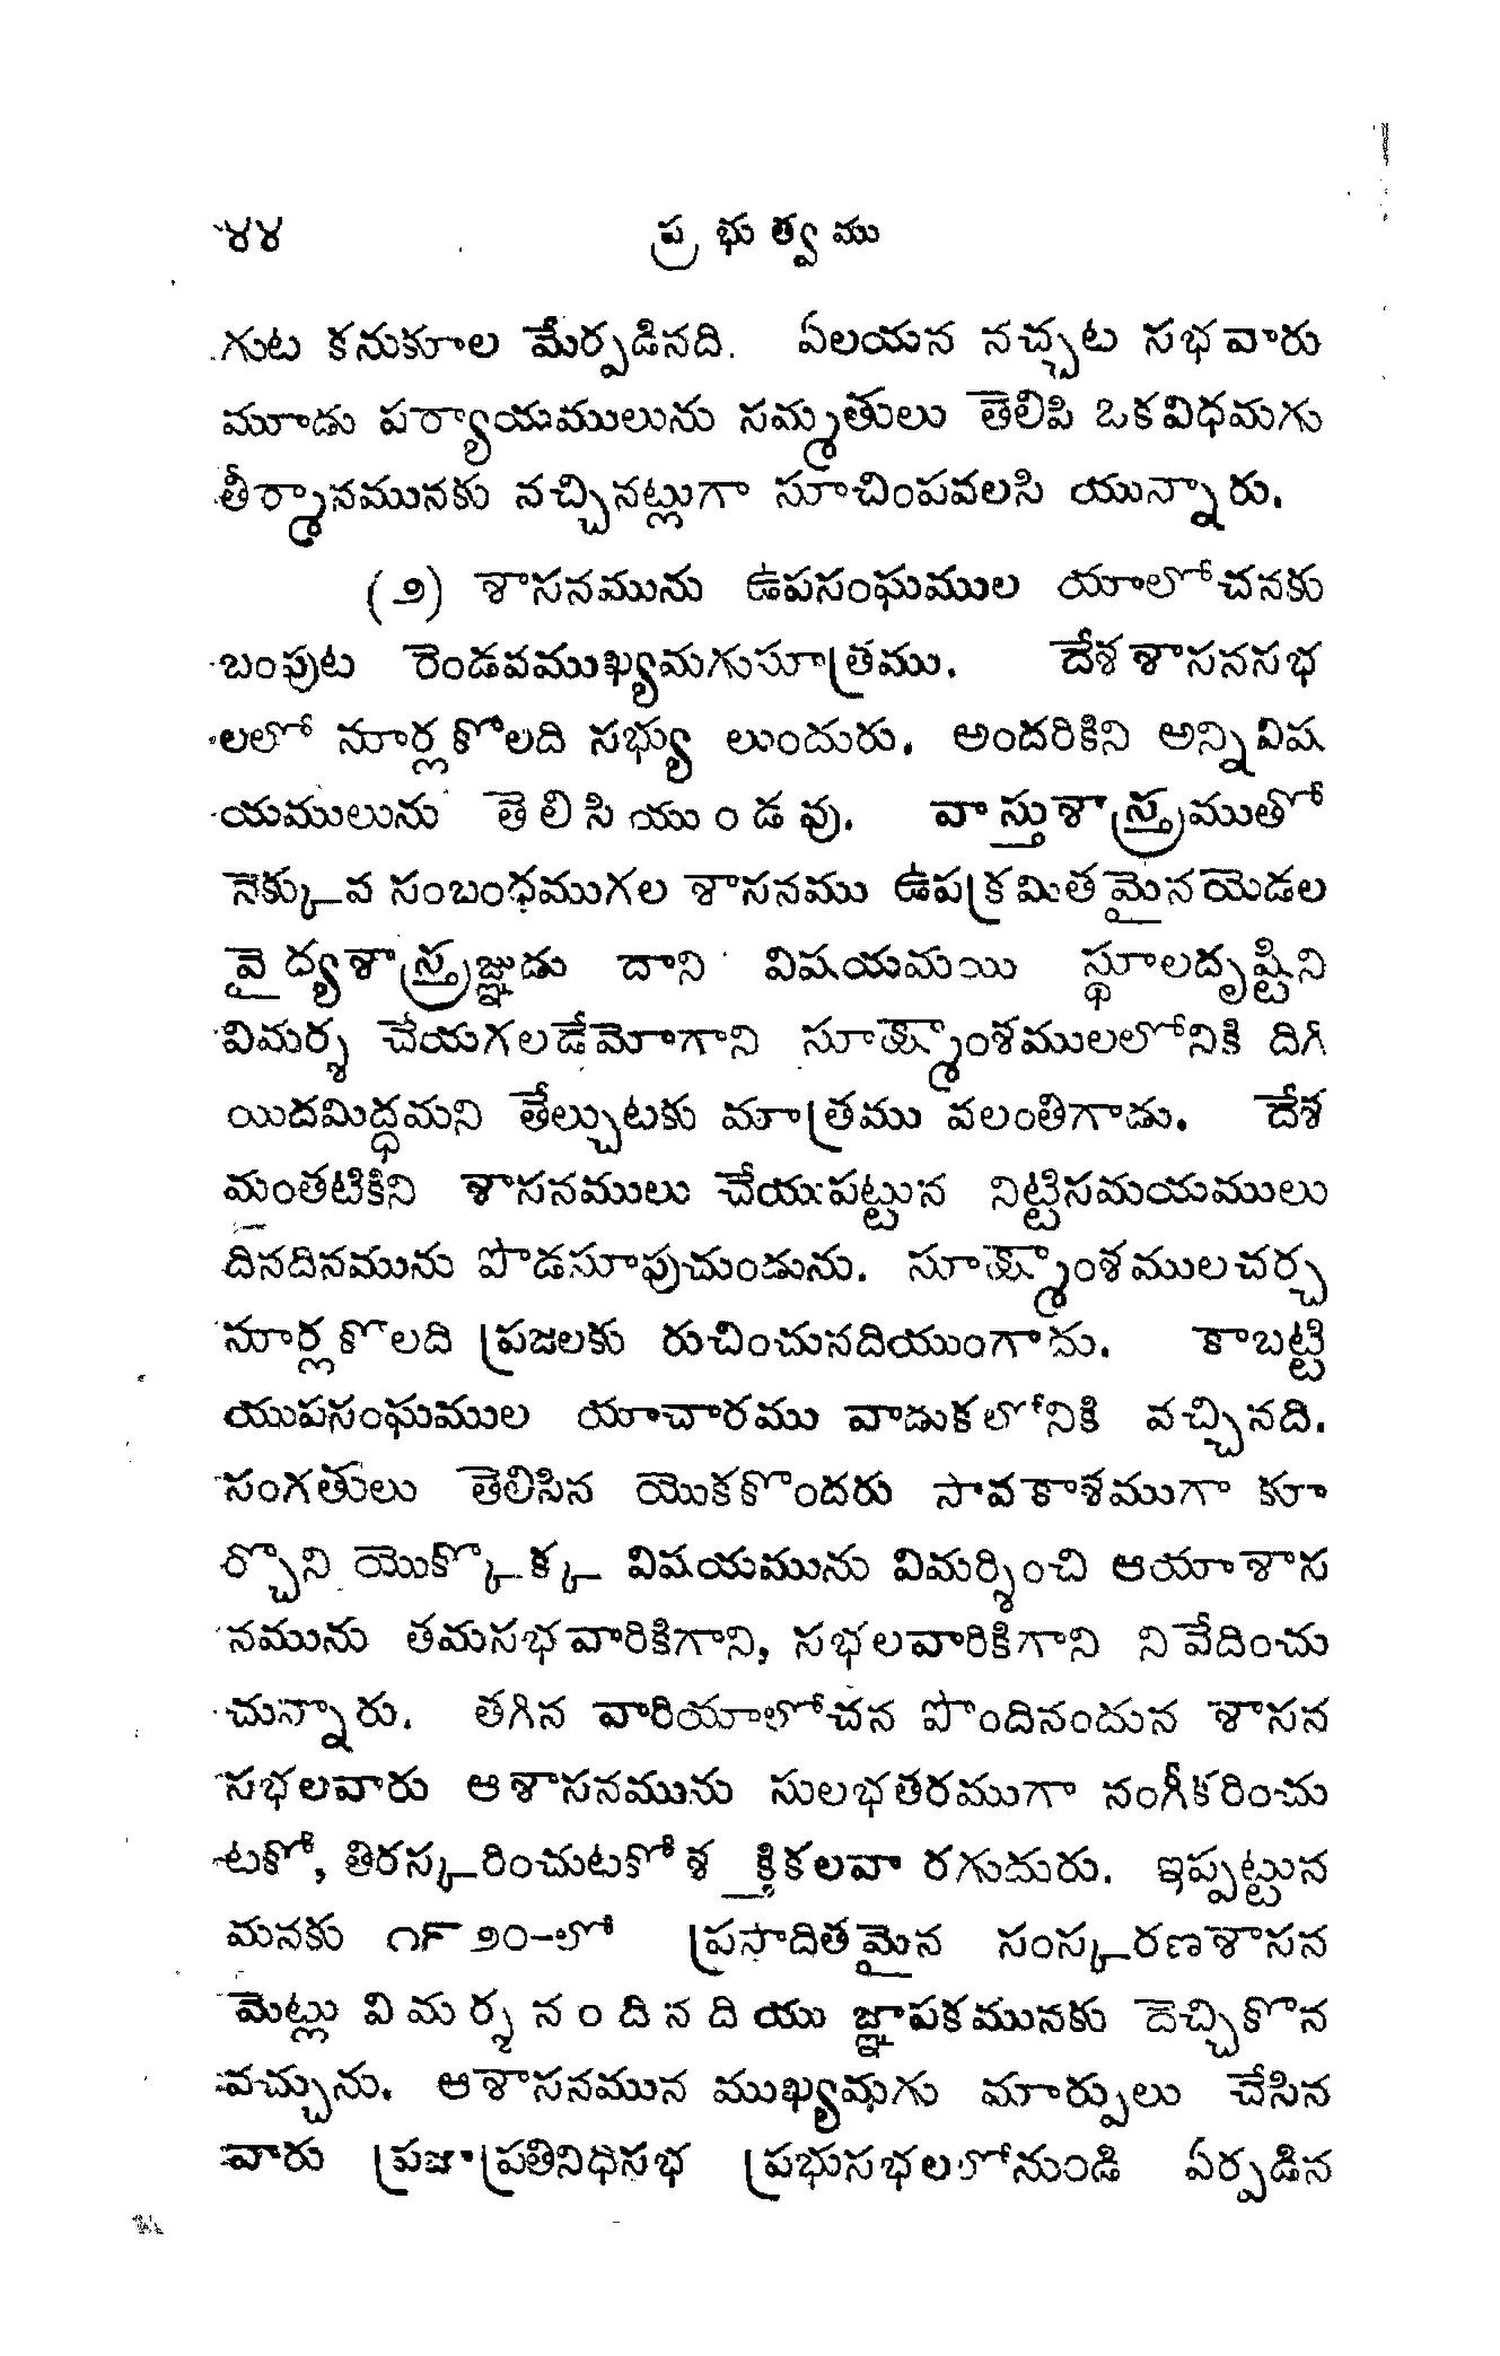గుట కనుకూల మేర్పడినది. ఏలయన నచ్చట సభవారు మూడు పర్యాయములును సమ్మతులు తెలిపి ఒకవిధమగు తీర్మానమునకు నచ్చినట్లుగా సూచింపవలసి యున్నారు.

(2) శాసనమును ఉపసంఘముల యాలోచనకు బంపుట రెండవముఖ్యమగుసూత్రము. దేశ శాసనసభలలో నూర్లకొలది సభ్యు లుందురు. అందరికిని అన్నివిషయములును తెలిసి యుండవు. వాస్తుశాస్త్రముతో నెక్కున సంబంధముగల శాసనము ఉపక్రమితమైనయెడల వైద్యశాస్త్రజ్ఞుడు దాని విషయమయి స్థూలదృష్టిని విమర్శ చేయగలడేమోగాని సూక్ష్మాంశములలోనికి దిగి యిదమిద్ధమని తేల్చుటకు మాత్రము వలంతిగాడు. దేశ మంతటికిని శాసనములు చేయుపట్టున నిట్టిసమయములు
దినదినమును పొడసూపుచుండును. సూక్ష్మాంశములచర్చ నూర్లకొలది ప్రజలకు రుచించునదియుం గాదు. కాబట్టి యుపసంఘముల యాచారము వాడుకలోనికి వచ్చినది. సంగతులు తెలిసిన యొకకొందరు సావకాశముగా కూర్చొని యొక్కొక్క విషయమును విమర్శించి ఆయాశాసనమును తమసభవారికిగాని, సభలవారికిగాని నివేదించు చున్నారు. తగిన వారియాలోచన పొందినందున శాసనసభలవారు ఆశాసనమును సులభతరముగా నంగీకరించుటకో, తిరస్కరించుటకోశక్తికలవా రగుదురు. ఇప్పట్టున మనకు 1920-లో ప్రసాదితమైన సంస్కరణశాసన మెట్లు విమర్శనందినదియు జ్ఞాపకమునకు దెచ్చికొనవచ్చును. ఆశాసనమున ముఖ్యమగు మార్పులు చేసినవారు ప్రజా ప్రతినిధిసభ ప్రభుసభలలోనుండి ఏర్పడిన